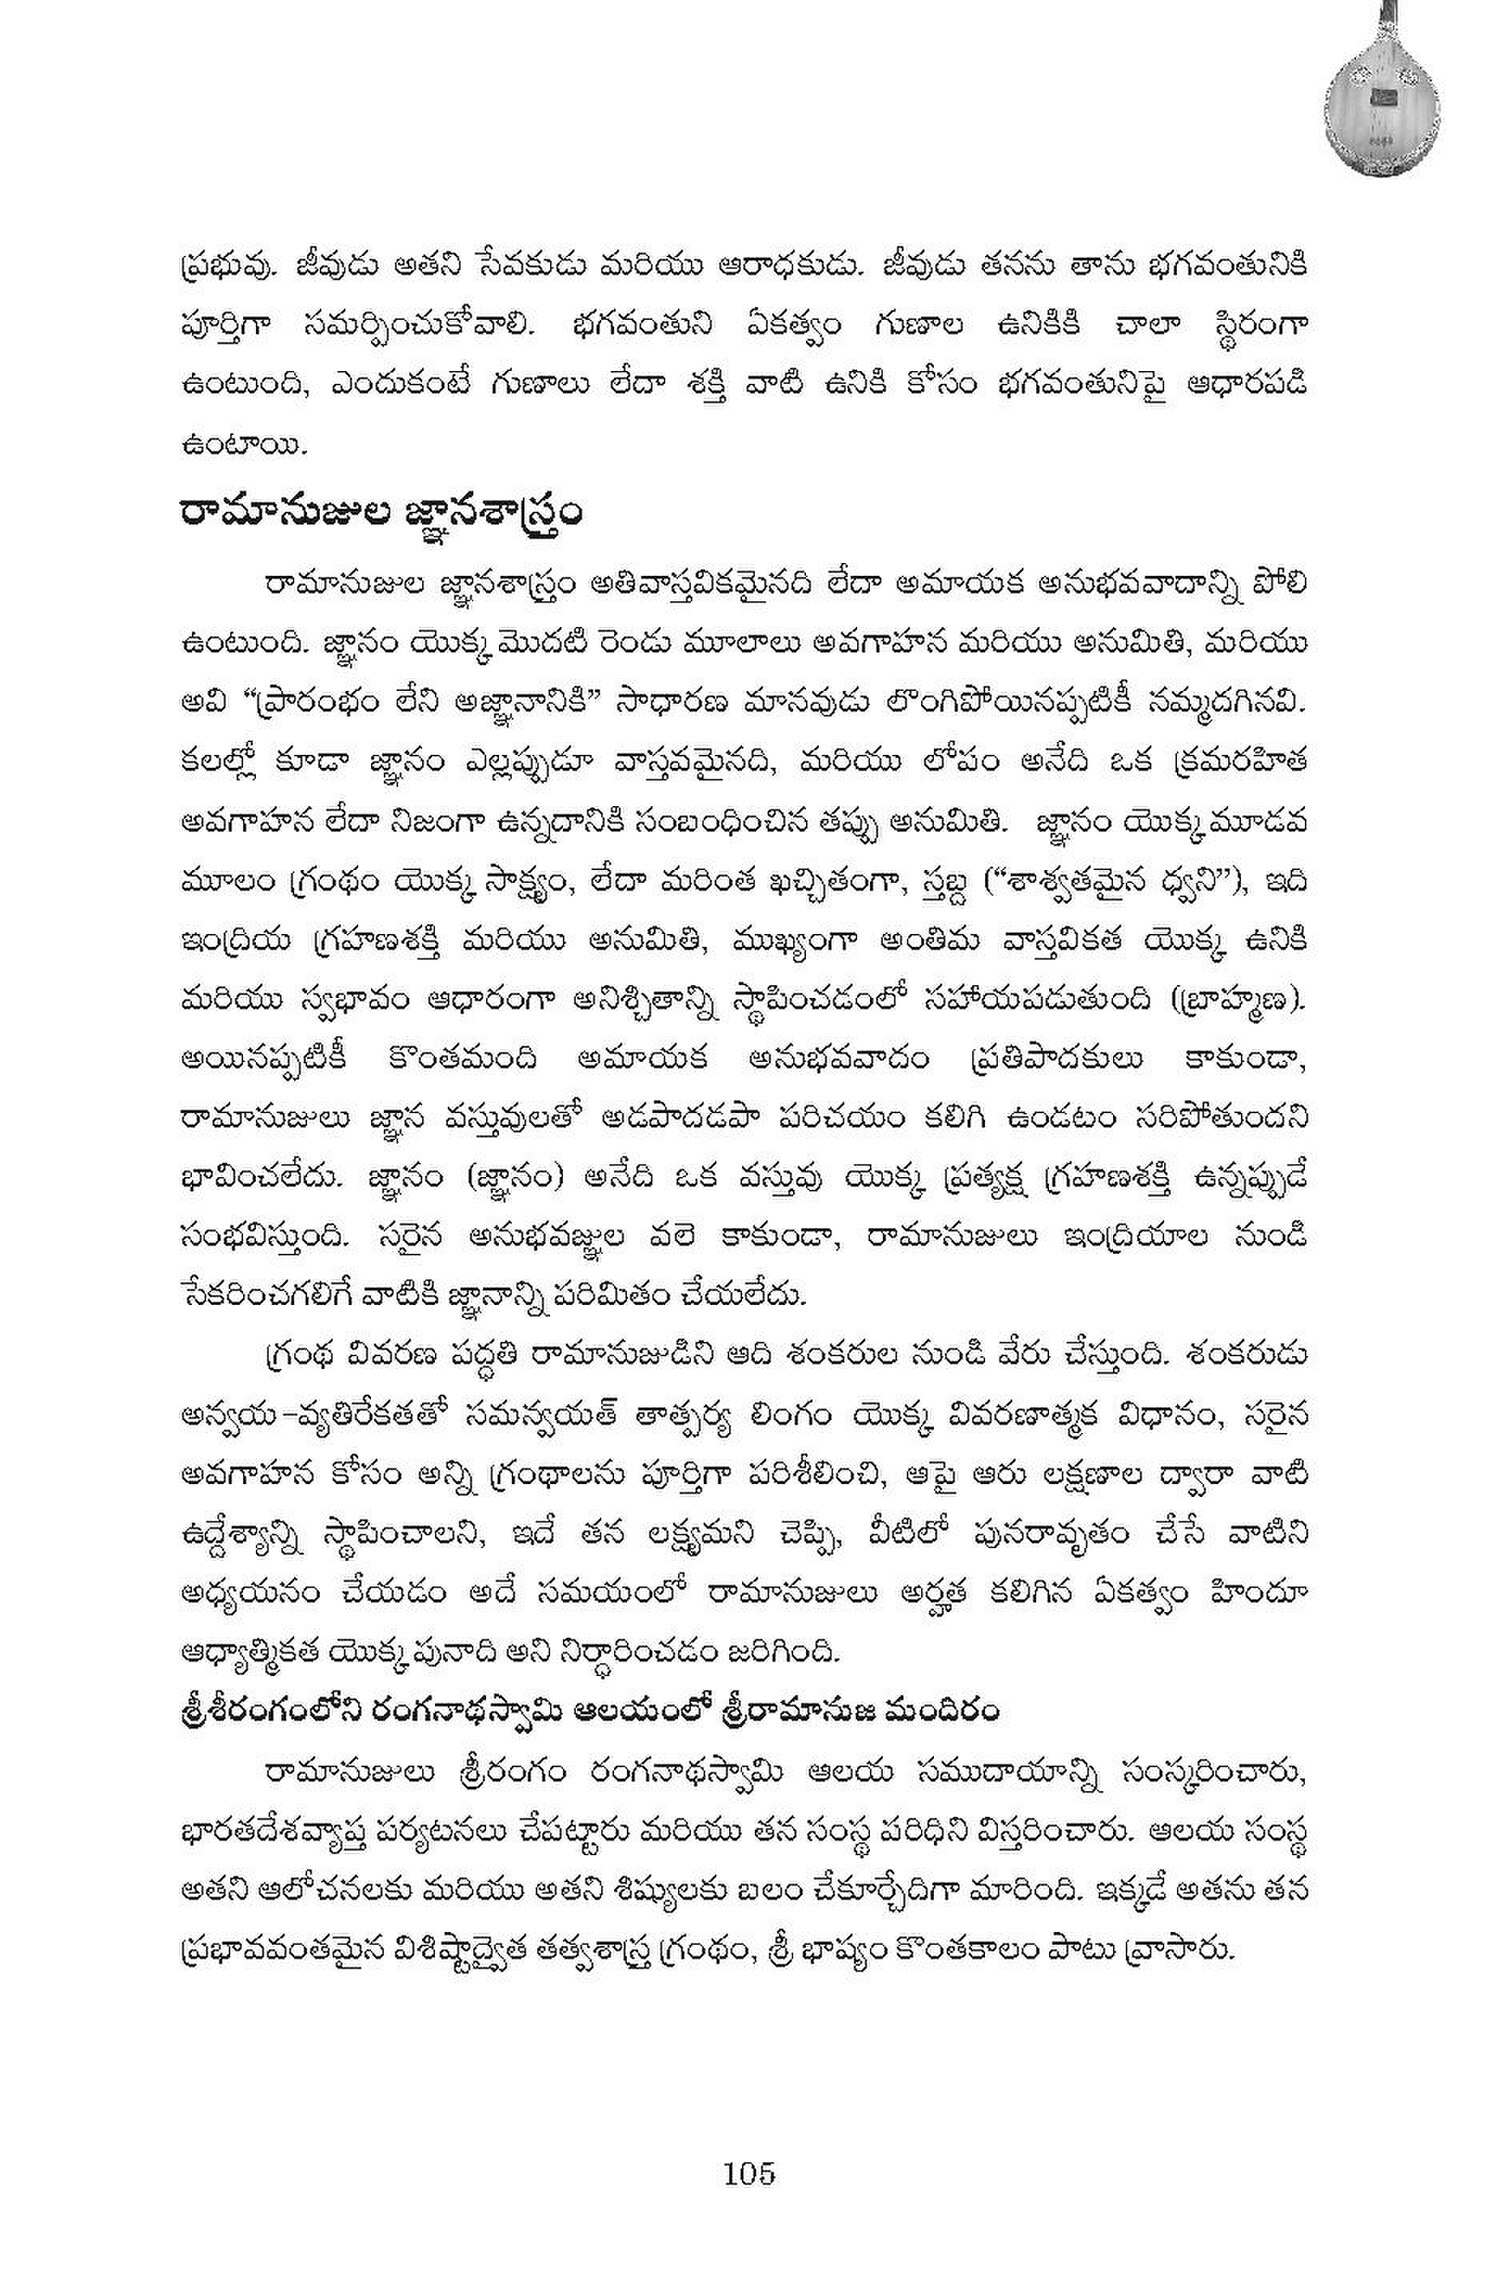ప్రభువు. జీవుడు అతని సేవకుడు మరియు ఆరాధకుడు. జీవుడు తనను తాను భగవంతునికి పూర్తిగా సమర్పించుకోవాలి. భగవంతుని ఏకత్వం గుణాల ఉనికికి చాలా స్థిరంగా ఉంటుంది, ఎందుకంటే గుణాలు లేదా శక్తి వాటి ఉనికి కోసం భగవంతునిపై ఆధారపడి ఉంటాయి.

రామానుజుల జ్ఞానశాస్త్రం

రామానుజుల జ్ఞానశాస్త్రం అతివాస్తవికమైనది లేదా అమాయక అనుభవవాదాన్ని పోలి ఉంటుంది. జ్ఞానం యొక్క మొదటి రెండు మూలాలు అవగాహన మరియు అనుమితి, మరియు అవి "ప్రారంభం లేని అజ్ఞానానికి" సాధారణ మానవుడు లొంగిపోయినప్పటికీ నమ్మదగినవి. కలల్లో కూడా జ్ఞానం ఎల్లప్పుడూ వాస్తవమైనది, మరియు లోపం అనేది ఒక క్రమరహిత
అవగాహన లేదా నిజంగా ఉన్నదానికి సంబంధించిన తప్పు అనుమితి. జ్ఞానం యొక్క మూడవ మూలం గ్రంథం యొక్క సాక్ష్యం, లేదా మరింత ఖచ్చితంగా, స్తబ్ద ("శాశ్వతమైన ధ్వని”), ఇది ఇంద్రియ గ్రహణశక్తి మరియు అనుమితి, ముఖ్యంగా అంతిమ వాస్తవికత యొక్క ఉనికి మరియు స్వభావం ఆధారంగా అనిశ్చితాన్ని స్థాపించడంలో సహాయపడుతుంది (బ్రాహ్మణ). అయినప్పటికీ కొంతమంది అమాయక అనుభవవాదం ప్రతిపాదకులు కాకుండా, రామానుజులు జ్ఞాన వస్తువులతో అడపాదడపా పరిచయం కలిగి ఉండటం సరిపోతుందని భావించలేదు. జ్ఞానం (జ్ఞానం) అనేది ఒక వస్తువు యొక్క ప్రత్యక్ష గ్రహణశక్తి ఉన్నప్పుడే సంభవిస్తుంది. సరైన అనుభవజ్ఞుల వలె కాకుండా, రామానుజులు ఇంద్రియాల నుండి సేకరించగలిగే వాటికి జ్ఞానాన్ని పరిమితం చేయలేదు.

గ్రంథ వివరణ పద్ధతి రామానుజుడిని ఆది శంకరుల నుండి వేరు చేస్తుంది. శంకరుడు అన్వయ-వ్యతిరేకతతో సమన్వయత్ తాత్పర్య లింగం యొక్క వివరణాత్మక విధానం, సరైన అవగాహన కోసం అన్ని గ్రంథాలను పూర్తిగా పరిశీలించి, ఆపై ఆరు లక్షణాల ద్వారా వాటి ఉద్దేశ్యాన్ని స్థాపించాలని, ఇదే తన లక్ష్యమని చెప్పి, వీటిలో పునరావృతం చేసే వాటిని అధ్యయనం చేయడం అదే సమయంలో రామానుజులు అర్హత కలిగిన ఏకత్వం హిందూ ఆధ్యాత్మికత యొక్క పునాది అని నిర్ధారించడం జరిగింది.

శ్రీశ్రీరంగంలోని రంగనాథస్వామి ఆలయంలో శ్రీరామానుజ మందిరం 

రామానుజులు శ్రీరంగం రంగనాథస్వామి ఆలయ సముదాయాన్ని సంస్కరించారు, భారతదేశవ్యాప్త పర్యటనలు చేపట్టారు మరియు తన సంస్థ పరిధిని విస్తరించారు. ఆలయ సంస్థ అతని ఆలోచనలకు మరియు అతని శిష్యులకు బలం చేకూర్చేదిగా మారింది. ఇక్కడే అతను తన ప్రభావవంతమైన విశిష్టాద్వైత తత్వశాస్త్ర గ్రంథం, శ్రీ భాష్యం కొంతకాలం పాటు వ్రాసారు.